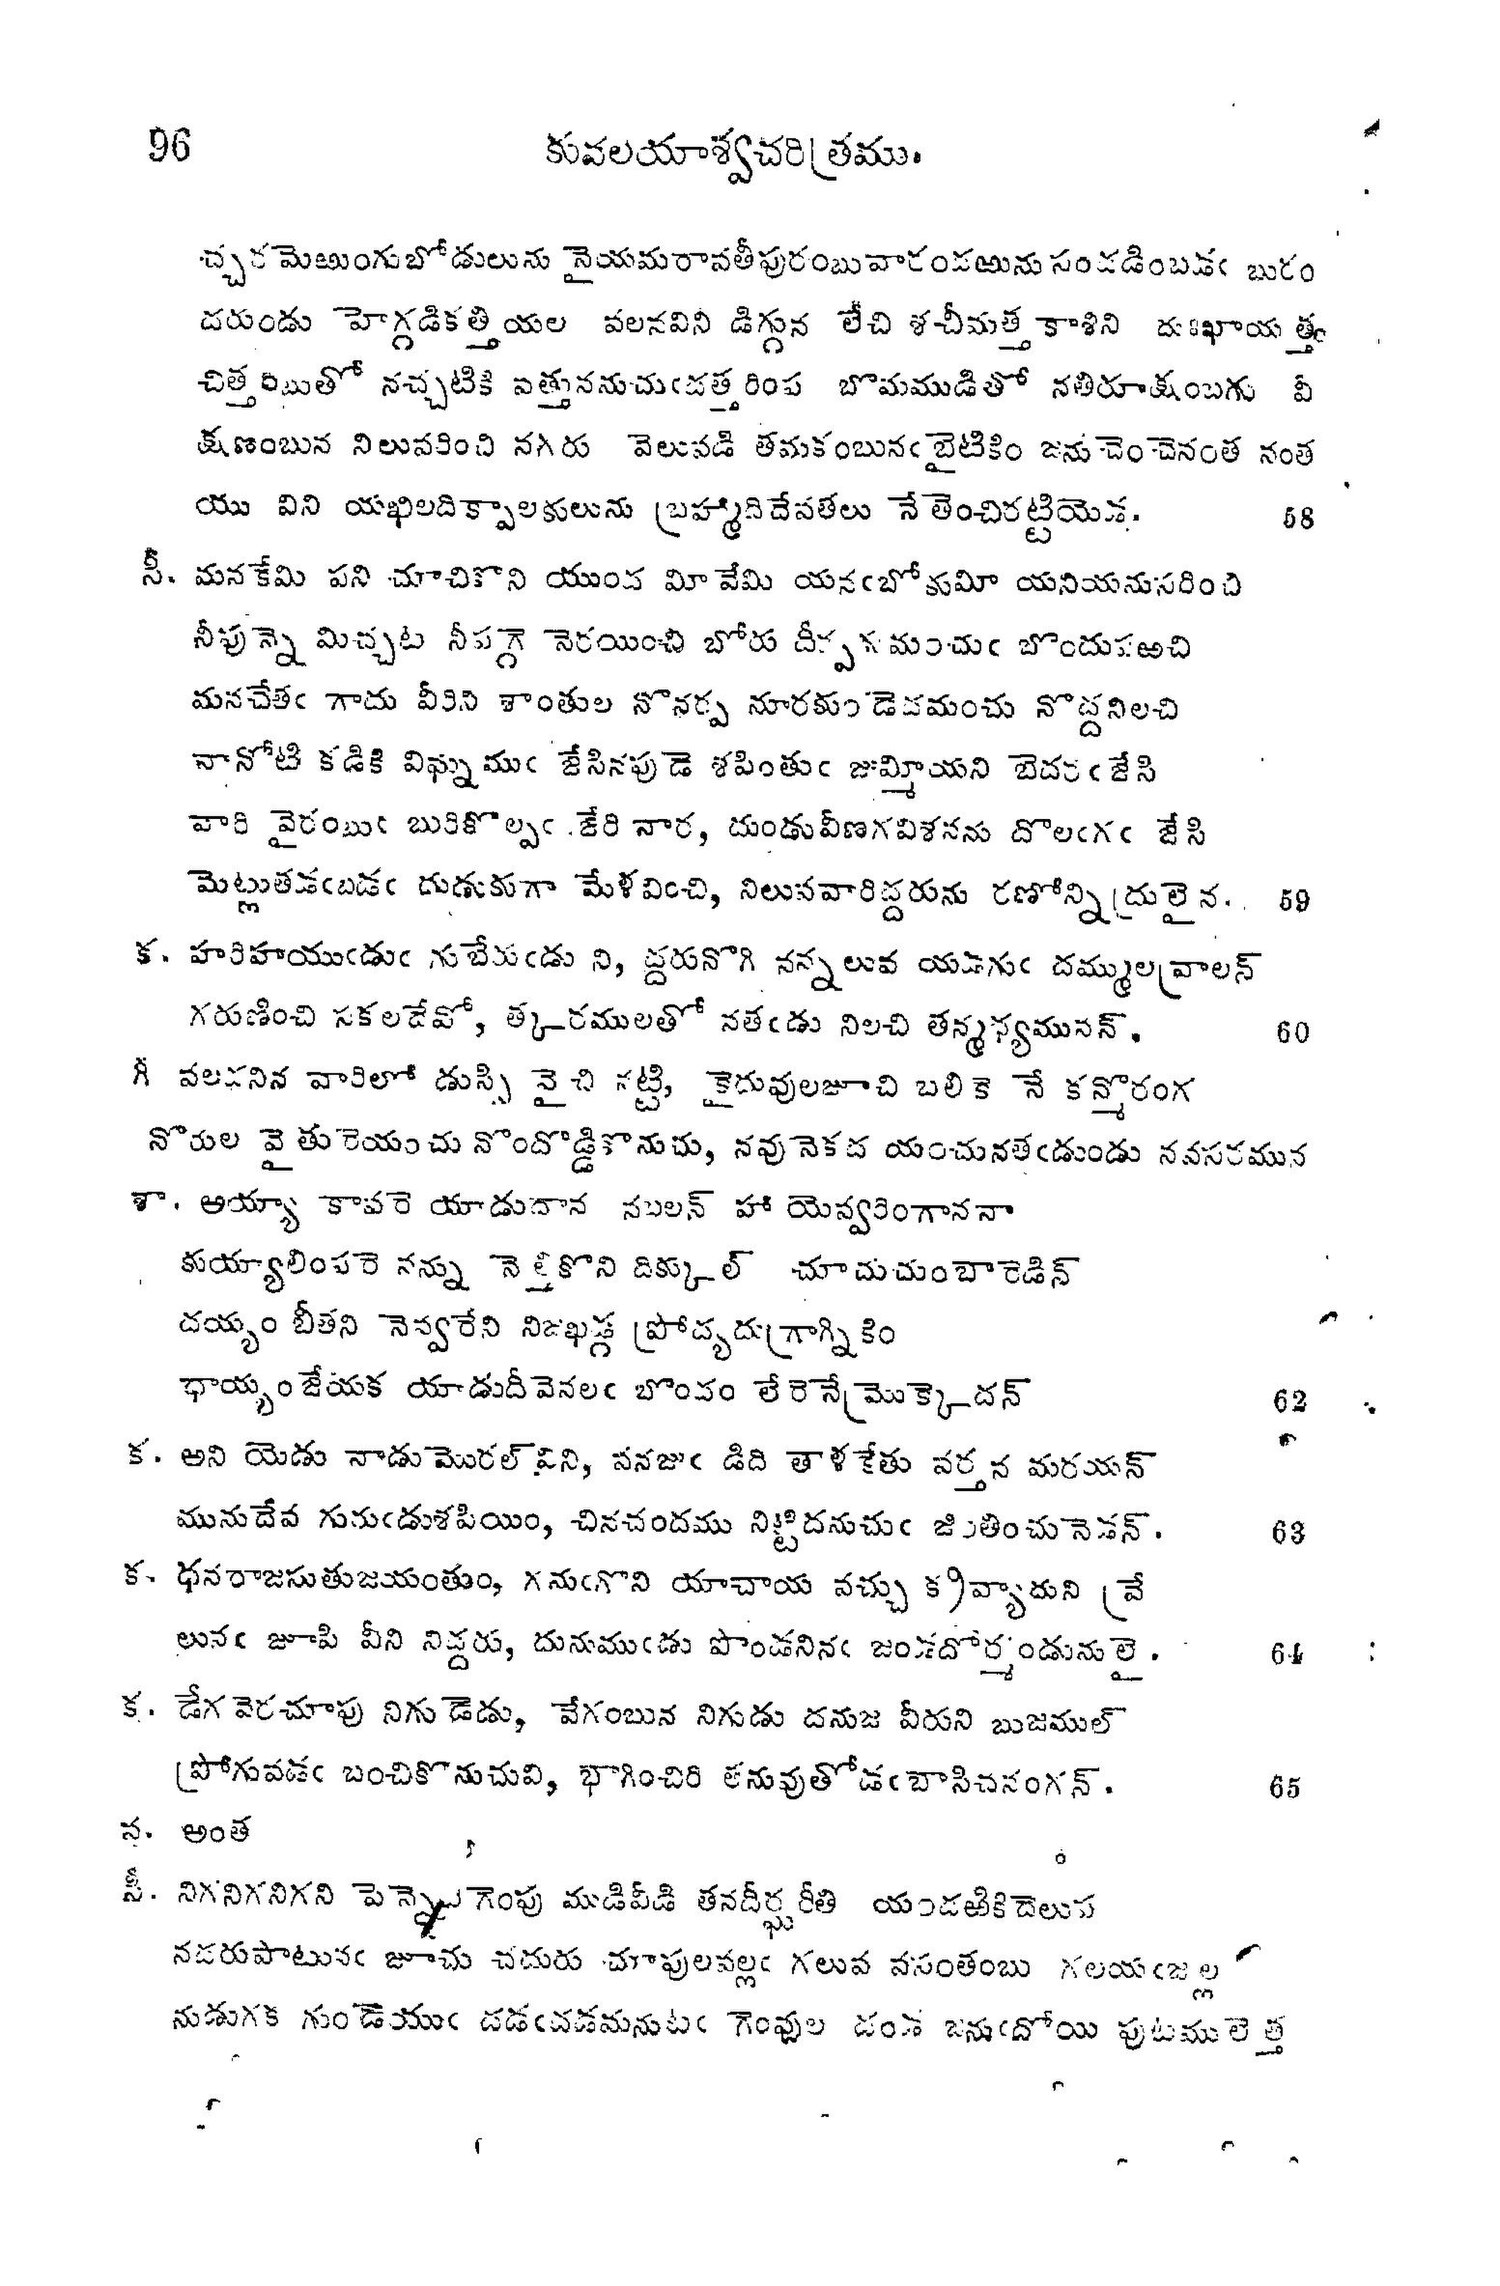చ్చరమెఱుంగుబోడులును నై యమరావతీపురంబువారందఱును సందడింబడఁ బురం
దరుండు హెగ్గడికత్తియలవలన విని డిగ్గున లేచి శచీమత్తకాశిని దుఃఖాయత్త
చిత్తంబుతో నచ్చటికి వత్తుననుచుఁ దత్తరింప బొమముడితో నతిరూక్షుంబగు వీ
క్షణంబున నిలువరించి నగరు వెలువడి తమకంబునఁ బైటికిం జనుదెంచె నంత నంత
యు విని యఖిలదిక్పాలకులును బ్రహ్మాదిదేవతలు నేతెంచి రట్టియెడ.
సీ. మన కేమి పని చూచికొనియుంద మీ వేమి యనఁబోకుమీ యని యనుసరించి
నీపున్నె మిచ్చట నీపగ్గె నెరయించి బోరు దీర్పకుమంచుఁ బొందుపఱచి
మనచేతఁ గాదు వీరిని శాంతుల నొనర్ప నూరకుండెదమంచు నొద్దనిలచి
నానోటి కడికి విఘ్నముఁ జేసినపుడె శపింతుఁ జుమ్మీయని బెదరఁజేసి
వారి వైరంబుఁ బురికొల్పఁ జేరి నార, దుండు వీణగవిశనను దొలఁగఁజేసి
మెట్లు తడఁబడఁ దుడుకుగా మేళవించి, నిలువ వారిద్దరును రణోన్నిద్రులైన.
క. హరిహయుఁడుఁ గుబేరుఁడు ని, ద్దటరు నొగి నన్నలువ యడగుఁ దమ్ముల వ్రాలన్
గరుణించి సకలదేవో, త్కరములతో నతఁడు నిలచి తన్మధ్యమునన్.
గీ. వలదనిన వారిలో డుస్సి వైచినట్టి, కైదువుల జూచి బలికె నే కన్మొరంగ
నొరుల వైతురె యంచు నొందొడ్డికొనుచు, నవునెకద యంచు నతఁ డుండు నవసరమున.
శా. అయ్యా కావరె యాడుదానవలనన్ హా యెవ్వరిం గాన నా
కుయ్యాలింపరె నన్ను నెత్తికొని దిక్కుల్ చూచుచుం బారెడిన్
దయ్యం బీతని నెవ్వరేని నిజఖడ్గప్రోద్యదుగ్రాగ్నికిం
ధాయ్యం జేయక యాడుదీవెనలఁ బొందం లేరె నే మ్రొక్కెదన్.
క. అని యెడు నాడు మొరల్ విని, ననజుఁ డిది తాళకేతువర్తన మరయన్
మును దేవగురుఁడు శపియిం, చినచందము నిట్టిదనుచుఁ జింతించునెడన్.
క. ధనరాజసుతు జయంతుం, గనుఁగొని యాచాయ వచ్చు క్రవ్యాదుని వ్రే
లునఁ జూపి వీని నిద్దరు, దునుముఁడు పొండనినఁ జండదోర్మండునులై.
క. డేగ వెరచూపు నిగుడెడు, వేగంబున నిగుడు దనుజవీరుని బుజముల్
ప్రోగువడఁ బంచికొనుచు వి, భాగించిరి తనువుతోడఁ బాసి చనంగన్.
వ. అంత.

సీ. నిగనిగనిగని పెన్నెఱి గెంపు ముడి వీడి తనదీర్ఘరీతి యందఱికి దెలుప
నడరుపాటునఁ జూచు చదురుచూపులవల్లఁ గలువ వసంతంబు గలయఁజల్ల
నుడుగక గుండెయుఁ దడఁదడమనుటఁ గెంపుల దండ జనుఁదోయి పుటము లెత్త